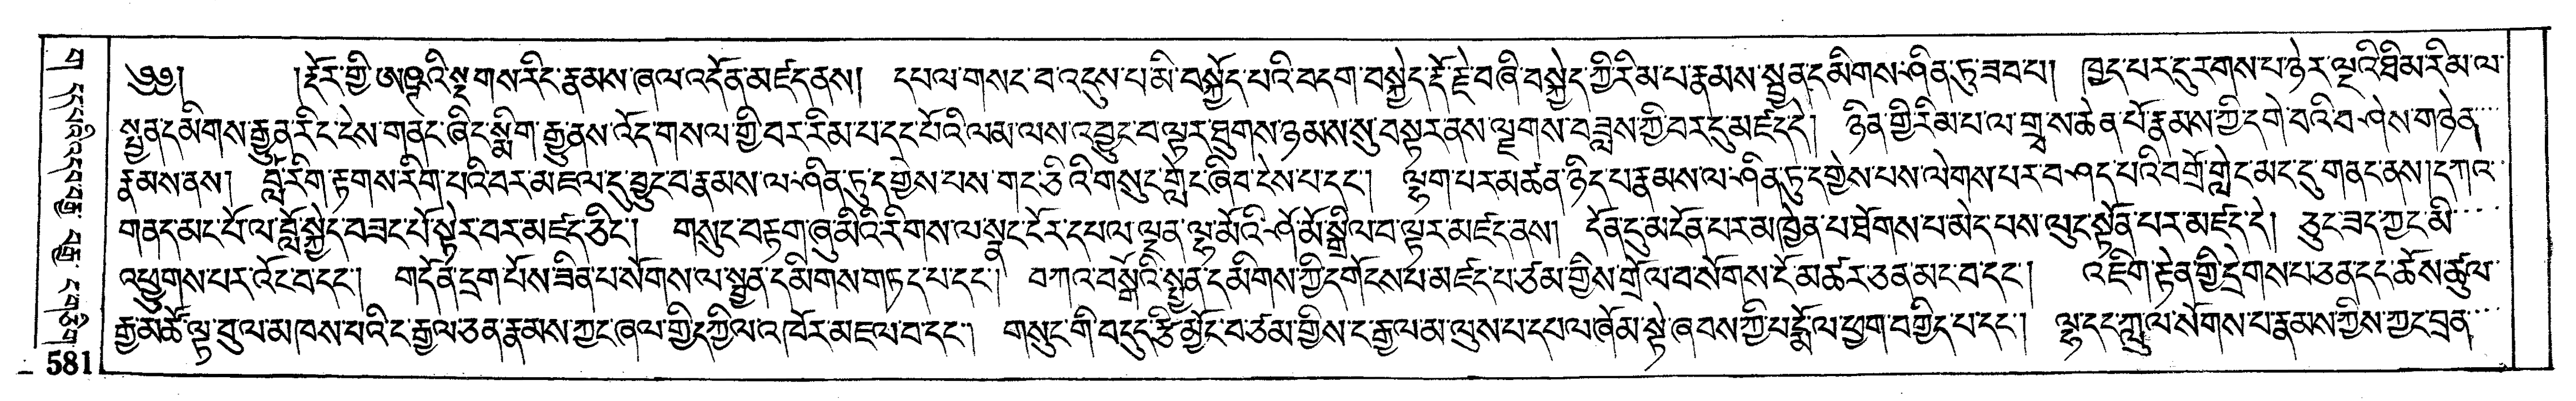༄༅། །རྡོར་གྱི་ཨཥྚའི་སྔགས་རིང་རྣམས་ཞལ་འདོན་མཛད་ནས། དཔལ་གསང་བ་འདུས་པ་མི་བསྐྱོད་པའི་བདག་བསྐྱེད་རྡོ་རྗེ་བཞི་བསྐྱེད་ཀྱི་རིམས་རྣམས་སྤྱན་དམིགས་ཤིན་ཏུ་ཟབ་པ། ཁྱད་པར་དུ་རགས་པ་ཉེར་ལྔའི་ཐིམ་རིམ་ལ་
སྤྱན་དམིགས་རྒྱུན་རིང་ངེས་གནང་ཞིང་སྨིག་རྒྱུ་ནས་འོད་གསལ་གྱི་བར་རིམ་པ་དང་པོའི་ལམ་ལས་འབྱུང་བ་ལྟར་ཐུགས་ཉམས་སུ་བསྟར་ནས་ལྗགས་བཟླས་ཀྱི་བར་དུ་མཛད་དེ། ཉིན་གྱི་རིམ་པ་ལ་གྲྭ་ས་ཆེན་པོ་རྣམས་ཀྱི་དགེ་པའི་བཤེས་གཉེན་
རྣམས་ནས། བློ་རིག་རྟགས་རིག་པའི་བར་མཇལ་དུ་བྱུང་བ་རྣམས་ལ་ཤིན་ཏུ་དགྱེས་པས་གང་ཅིའི་གསུང་གླེང་ཞིབ་ངེས་པ་དང་། ལྷག་པར་མཚན་ཉིད་པ་རྣམས་ལ་ཤིན་ཏུ་དགྱེས་པས་ལེགས་པར་བཤད་པའི་བགྲོ་གླེང་མང་དུ་གནང་ནས། དཀའ་
གནད་མང་པོ་ལ་བློ་སྐྱེད་བཟང་པོ་སྟེར་བར་མཛད་ཅིང་། གསུང་བརྟག་ཞུ་མིའི་རིགས་ལ་སྣང་ངོར་དཔལ་ལྡན་ལྷ་མོའི་ཤོ་མོ་སྒྲིལ་བ་ལྟར་མཛད་ནས། དོན་དུ་མངོན་པར་མཁྱེན་པ་ཐོགས་པ་མེད་པས་ལུང་སྟོན་པར་མཛད་དེ། ཅུང་ཟད་ཀྱང་མི་
འཕྱུགས་པར་འོང་བ་དང་། གདོན་དྲག་པོས་ཟིན་པ་སོགས་ལ་སྤྱན་དམིགས་གཏད་པ་དང་། བཀའ་བསྒོའི་སྤྱན་དམིགས་ཀྱི་དགོངས་པ་མཛད་པ་ཙམ་གྱིས་གྲོལ་བ་སོགས་ངོ་མཚར་ཅན་མང་བ་དང་། འཇིག་རྟེན་གྱི་དྲགས་བ་ཅན་དང་ཆོས་ཚུལ་
རྒྱ་མཚོ་ལྟ་བུལ་མཁས་པའི་ང་རྒྱལ་ཅན་རྣམས་ཀྱང་ཞལ་གྱི་དཀྱིལ་འཁོར་མཇལ་བ་དང་། གསུང་གི་བདུད་རྩི་མྱོང་བཙམ་གྱིས་ང་རྒྱལ་མ་ལུས་པ་དཔལ་ཞོམ་སྟེ་ཞབས་ཀྱི་པདམོ་ལ་ཕྱག་བགྱིད་པ་དང་། ལྷ་དང་ཀླུ་ལ་སོགས་པ་རྣམས་ཀྱིས་ཀྱང་བྲན་